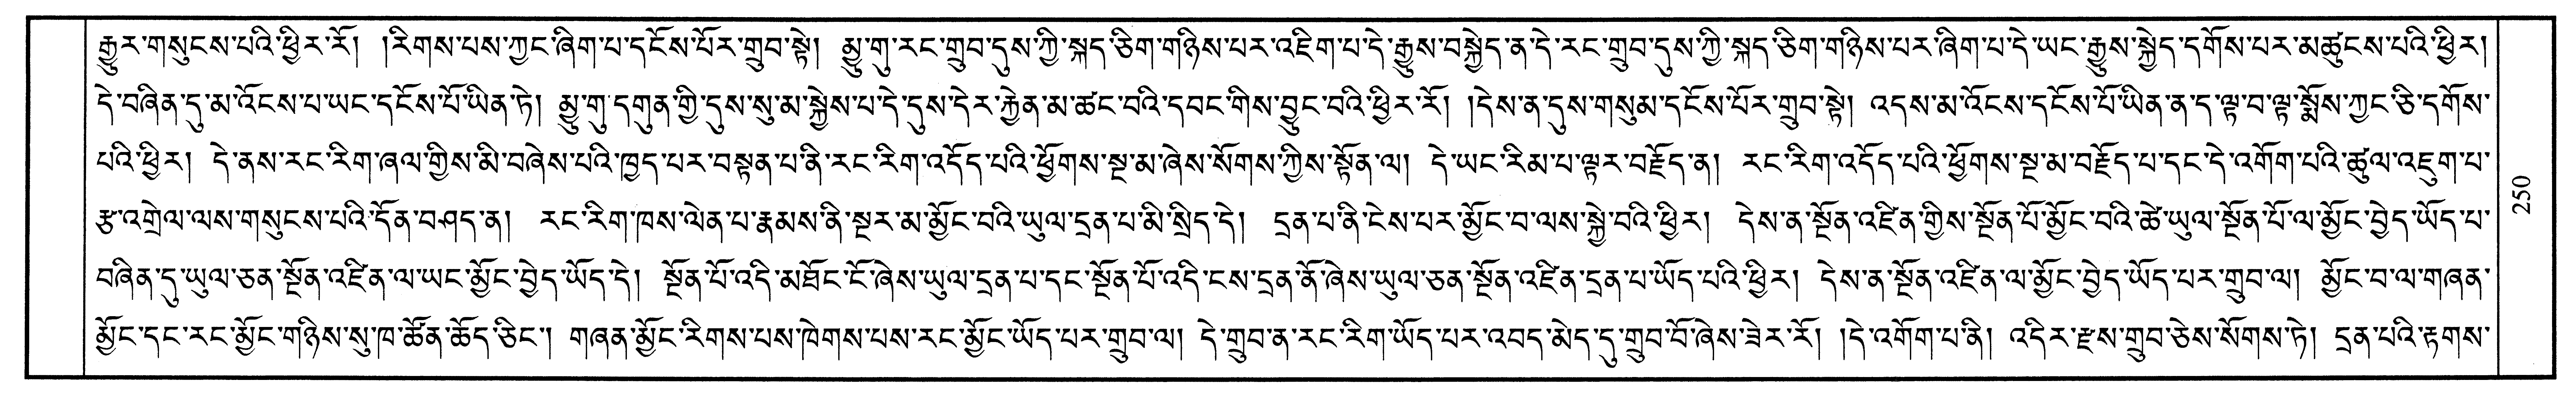རྒྱུར་གསུངས་པའི་ཕྱིར་རོ། །རིགས་པས་ཀྱང་ཞིག་པ་དངོས་པོར་གྲུབ་སྟེ། མྱུ་གུ་རང་གྲུབ་དུས་ཀྱི་སྐད་ཅིག་གཉིས་པར་འཇིག་པ་དེ་རྒྱུས་བསྐྱེད་ན་དེ་རང་གྲུབ་དུས་ཀྱི་སྐད་ཅིག་གཉིས་པར་ཞིག་པ་དེ་ཡང་རྒྱུས་སྐྱེད་དགོས་པར་མཚུངས་པའི་ཕྱིར།
དེ་བཞིན་དུ་མ་འོངས་པ་ཡང་དངོས་པོ་ཡིན་ཏེ། མྱུ་གུ་དགུན་གྱི་དུས་སུ་མ་སྐྱེས་པ་དེ་དུས་དེར་རྐྱེན་མ་ཚང་བའི་དབང་གིས་བྱུང་བའི་ཕྱིར་རོ། །དེས་ན་དུས་གསུམ་དངོས་པོར་གྲུབ་སྟེ། འདས་མ་འོངས་དངོས་པོ་ཡིན་ན་ད་ལྟ་བ་ལྟ་སྨོས་ཀྱང་ཅི་དགོས་
པའི་ཕྱིར། དེ་ནས་རང་རིག་ཞལ་གྱིས་མི་བཞེས་པའི་ཁྱད་པར་བསྟན་པ་ནི་རང་རིག་འདོད་པའི་ཕྱོགས་སྔ་མ་ཞེས་སོགས་ཀྱིས་སྟོན་ལ། དེ་ཡང་རིམ་པ་ལྟར་བརྗོད་ན། རང་རིག་འདོད་པའི་ཕྱོགས་སྔ་མ་བརྗོད་པ་དང་དེ་འགོག་པའི་ཚུལ་འཇུག་པ་
རྩ་འགྲེལ་ལས་གསུངས་པའི་དོན་བཤད་ན། རང་རིག་ཁས་ལེན་པ་རྣམས་ནི་སྔར་མ་མྱོང་བའི་ཡུལ་དྲན་པ་མི་སྲིད་དེ། དྲན་པ་ནི་ངེས་པར་མྱོང་བ་ལས་སྐྱེ་བའི་ཕྱིར། དེས་ན་སྔོན་འཛིན་གྱིས་སྔོན་པོ་མྱོང་བའི་ཚེ་ཡུལ་སྔོན་པོ་ལ་མྱོང་བྱེད་ཡོད་པ་
བཞིན་དུ་ཡུལ་ཅན་སྔོན་འཛིན་ལ་ཡང་མྱོང་བྱེད་ཡོད་དེ། སྔོན་པོ་འདི་མཐོང་ངོ་ཞེས་ཡུལ་དྲན་པ་དང་སྔོན་པོ་འདི་ངས་དྲན་ནོ་ཞེས་ཡུལ་ཅན་སྔོན་འཛིན་དྲན་པ་ཡོད་པའི་ཕྱིར། དེས་ན་སྔོན་འཛིན་ལ་མྱོང་བྱེད་ཡོད་པར་གྲུབ་ལ། མྱོང་བ་ལ་གཞན་
མྱོང་དང་རང་མྱོང་གཉིས་སུ་ཁ་ཚོན་ཆོད་ཅིང་། གཞན་མྱོང་རིགས་པས་ཁེགས་པས་རང་མྱོང་ཡོད་པར་གྲུབ་ལ། དེ་གྲུབ་ན་རང་རིག་ཡོད་པར་འབད་མེད་དུ་གྲུབ་བོ་ཞེས་ཟེར་རོ། །དེ་འགོག་པ་ནི། འདིར་རྫས་གྲུབ་ཅེས་སོགས་ཏེ། དྲན་པའི་རྟགས་